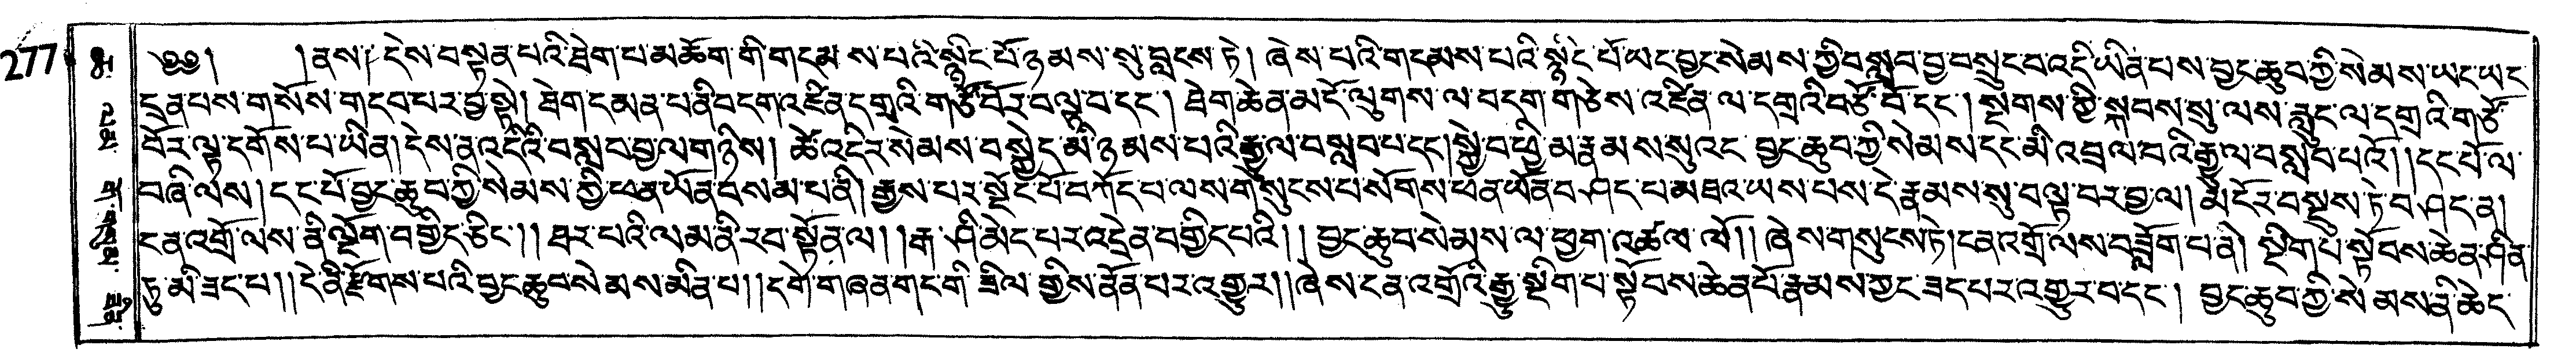༄༅། །ནས༑ དེས་བསྟན་པའི་ཐེག་པ་མཆོག་གི་གདམས་པའི་སྙིང་པོ་ཉམས་སུ་བླངས་ཏེ། ཞེས་པའི་གདམས་པའི་སྙིང་པོ་ཡང་བྱང་སེམས་ཀྱི་བསླབ་བྱ་བསྲུང་བ་འདི་ཡིན་པས་བྱང་ཆུབ་ཀྱི་སེམས་ཡང་ཡང་
དྲན་པས་གསོས་གདབ་པར་བྱ་སྟེ། ཐེག་དམན་པ་ནི་བདག་འཛིན་དགྲའི་གཙོ་བོར་བལྟ་བ་དང་། ཐེག་ཆེན་མདོ་ལུགས་ལ་བདག་གཅེས་འཛིན་ལ་དགྲའི་བཙོ་བོ་དང་། སྔགས་ཀྱི་སྐབས་སུ་ལས་རླུང་ལ་དགྲའི་གཙོ་
བོར་ལྟ་དགོས་པ་ཡིན། དེས་ན་འདིའི་བསླབ་བྱ་ལ་གཉིས། ཚེ་འདིར་སེམས་བསྐྱེད་མི་ཉམས་པའི་རྒྱ་ལ་བསླབ་པ་དང་། སྐྱེ་བ་ཕྱི་མ་རྣམས་སུའང་བྱང་ཆུབ་ཀྱི་སེམས་དང་མི་འབྲལ་བའི་རྒྱུ་ལ་བསླབ་པའོ། །དང་པོ་ལ་
བཞི་ལས། དང་པོ་བྱང་ཆུབ་ཀྱི་སེམས་ཀྱི་ཕན་ཡོན་བསམ་པ་ནི། རྒྱས་པར་སྡོང་པོ་བཀོད་པ་ལས་གསུངས་པ་སོགས་ཕན་ཡོན་བཤད་པ་མཐའ་ཡས་པས་དེ་རྣམས་སུ་བལྟ་བར་བྱ་ལ། མདོར་བསྡུས་ཏེ་བཤད་ན།
ངན་འགྲོ་ལས་ནི་ལྡོག་བགྱིད་ཅིང་། །ཐར་པའི་ལམ་ནི་རབ་སྟོན་ལ། །རྒ་ཤི་མེད་པར་འདྲེན་བགྱིད་པའི། །བྱང་ཆུབ་སེམས་ལ་ཕྱག་འཚལ་ལོ། །ཞེས་གསུངས་ཏེ། ངན་འགྲོ་ལས་བཟློག་པ་ནི། སྡིག་པ་སྟོབས་ཆེན་ཤིན་
ཏུ་མི་ཟད་པ། །དེ་ནི་རྫོགས་པའི་བྱང་ཆུབ་སེམས་མིན་པ། །དགེ་གཞན་གང་གི་ཟིལ་གྱིས་ནོན་པར་འགྱུར། །ཞེས་ངན་འགྲོའི་རྒྱུ་སྡིག་པ་སྟོབས་ཆེན་པོ་རྣམས་ཀྱང་ཟད་པར་འགྱུར་བ་དང་། བྱང་ཆུབ་ཀྱི་སེམས་ནི་ཆེད་